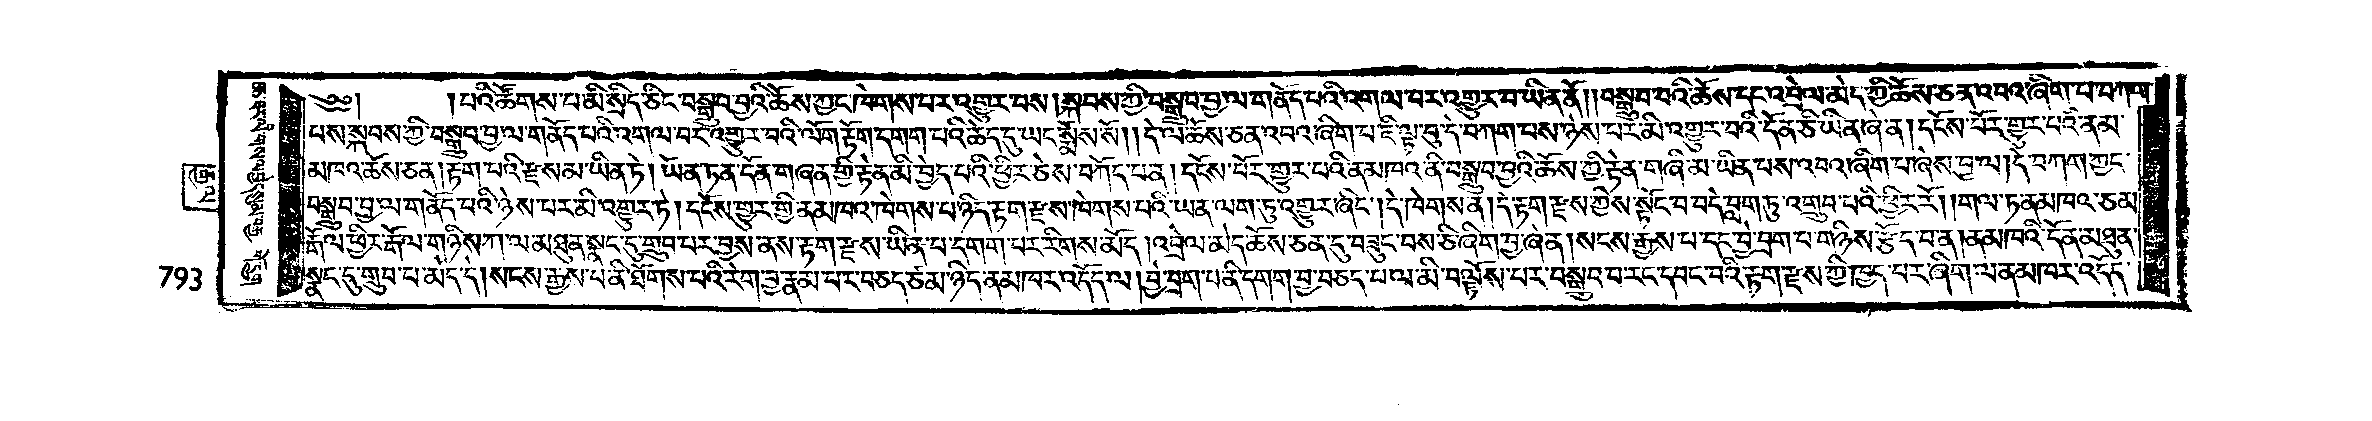༄༅། །པའི་ཚོགས་པ་མི་སྲིད་ཅིང་བསྒྲུབ་བྱའི་ཆོས་ཀྱང་ཁེགས་པར་འགྱུར་བས། སྐབས་ཀྱི་བསྒྲུབ་བྱ་ལ་གནོད་པའི་འགལ་བར་འགྱུར་བ་ཡིན་ནོ། །བསྒྲུབ་པའི་ཆོས་དང་འབྲེལ་མེད་ཀྱི་ཆོས་ཅན་འབའ་ཞིག་པ་བཀག་
པས་སྐབས་ཀྱི་བསྒྲུབ་བྱ་ལ་གནོད་པའི་འགལ་བར་འགྱུར་བའི་ལོག་རྟོག་དགག་པའི་ཆེད་དུ་ཡང་སྨོས་སོ། །དེ་ལ་ཆོས་ཅན་འབའ་ཞིག་པ་ཇི་ལྟ་བུ་དེ་བཀག་པས་ཉེས་པར་མི་འགྱུར་བའི་དོན་ཅི་ཡིན་ཞེ་ན། དངོས་པོར་གྱུར་པའི་ནམ་
མཁའ་ཆོས་ཅན། རྟག་པའི་རྫས་མ་ཡིན་ཏེ། ཡོན་ཏན་དོན་གཞན་གྱི་རྟེན་མི་བྱེད་པའི་ཕྱིར་ཅེས་བཀོད་པ་ན། དངོས་པོར་གྱུར་པའི་ནམ་མཁའ་ནི་བསྒྲུབ་བྱའི་ཆོས་ཀྱི་རྟེན་གཞི་མ་ཡིན་པས་འབའ་ཞིག་པ་ཞེས་བྱ་ལ། དེ་བཀག་ཀྱང་
བསྒྲུབ་བྱ་ལ་གནོད་པའི་ཉེས་པར་མི་འགྱུར་ཏེ། དངོས་གྱུར་གྱེ་ནམ་མཁའ་ཁེགས་པ་ཉིད་རྟག་རྫས་ཁེགས་པའི་ཡན་ལག་ཏུ་འགྱུར་ཞིང་། དེ་ཁེགས་ན། དེ་རྟག་རྫས་ཀྱིས་སྟོང་བ་བདེ་བླག་ཏུ་འགྲུབ་པའི་ཕྱིར་རོ། །གལ་ཏེ་ནམ་མཁའ་ཅམ་
རྒོལ་ཕྱིར་རྒོལ་གཉིས་ཀ་ལ་མཐུན་སྣང་དུ་གྲུབ་པར་བྱས་ནས་རྟག་རྫས་ཡིན་པ་དགག་པར་རིགས་མོད། འབྲེལ་མེད་ཆོས་ཅན་དུ་བཟུང་བས་ཅི་ཞིག་བྱ་ཞེ་ན། སངས་རྒྱས་པ་དང་བྱེ་བྲག་པ་གཉིས་རྩོད་པ་ན། ནམ་མཁའ་དོན་མཐུན་
སྣང་དུ་གྲུབ་པ་མེད་དེ། སངས་རྒྱས་པ་ནི་ཐོགས་པའི་རེག་བྱ་རྣམ་པར་བཅད་ཙམ་ཉིད་ནམ་མཁར་འདོད་ལ། བྱེ་བྲག་པ་ནི་དགག་བྱ་བཅད་པ་ལ་མི་བལྟོས་པར་བསྒྲུབ་པ་རང་དབང་བའི་རྟག་རྫས་ཀྱི་ཁྱད་པར་ཞིག་ལ་ནམ་མཁར་འདོད་